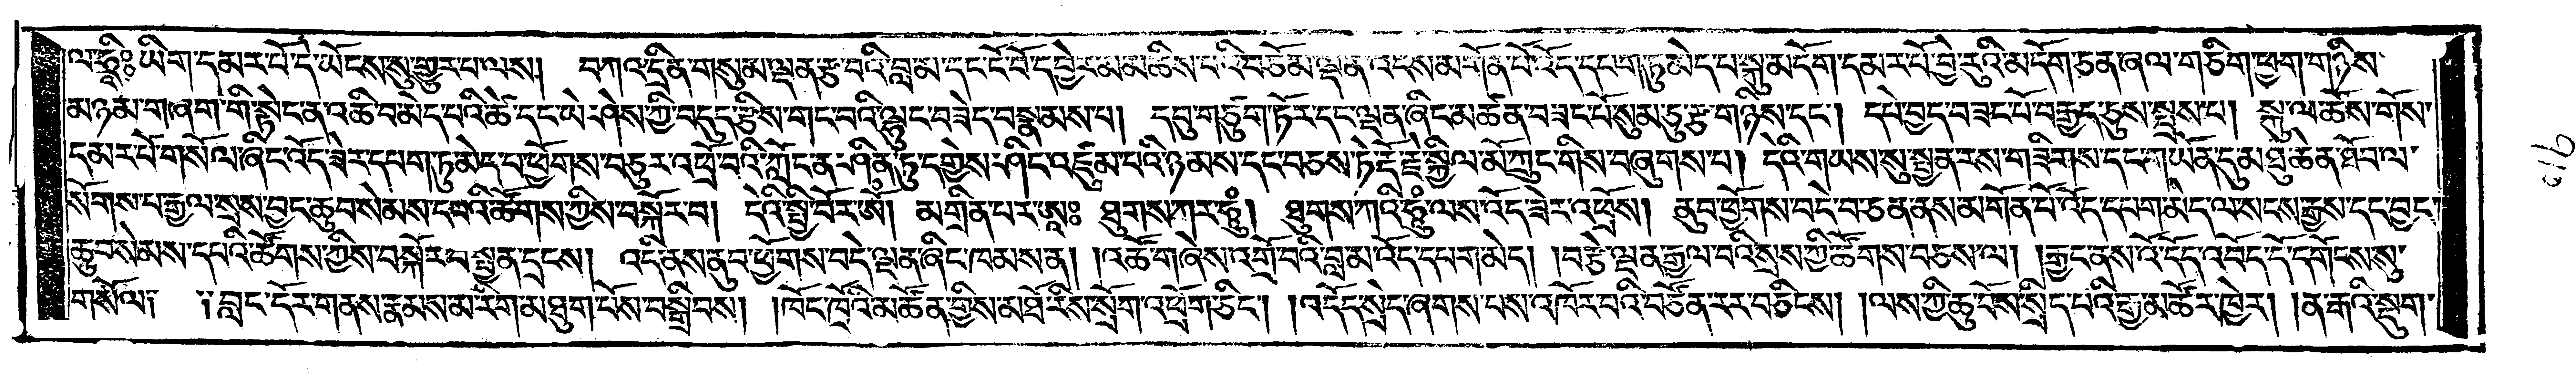ལ་ཧྲཱིཿ ཡིག་དམར་པོ་དེ་ཡོངས་སུ་གྱུར་པ་ལས། བཀའ་དྲིན་གསུམ་ལྡན་རྩ་བའི་བླ་མ་དང་ངོ་བོ་དབྱེར་མ་མཆིས་པའི་བཅོམ་ལྡན་འདས་མགོན་པོ་འོད་དཔག་ཏུ་མེད་པ་སྐུ་མདོག་དམར་པོ་བྱེ་རུའི་མདོག་ཅན་ཞལ་གཅིག་ཕྱག་གཉིས་
མཉམ་གཞག་གི་སྟེང་ན་འཆི་བ་མེད་པའི་ཚེ་དང་ཡེ་ཤེས་ཀྱི་བདུད་རྩིས་གང་བའི་ལྷུང་བཟེད་བསྣམས་པ། དབུ་གཙུག་ཏོར་དང་ལྡན་ཞིང་མཚན་བཟང་པོ་སུམ་ཅུ་རྩ་གཉིས་དང་། དཔེ་བྱད་བཟང་པོ་བརྒྱད་ཅུས་སྤྲས་པ། སྐུ་ལ་ཆོས་གོས་
དམར་པོ་གསོལ་ཞིང་འོད་ཟེར་དཔག་ཏུ་མེད་པ་ཕྱོགས་བཅུར་འཕྲོ་བའི་ཀློང་ན་ཤིན་ཏུ་དགྱེས་ཤིང་འཛུམ་པའི་ཉམས་དང་བཅས་ཏེ་རྡོ་རྗེ་སྐྱིལ་མོ་གྲུང་གིས་བཞུགས་པ། དེའི་གཡས་སུ་སྤྱན་རས་གཟིགས་དང་གཡོན་དུ་མཐུ་ཆེན་ཐོབ་ལ་
སོགས་པ་རྒྱལ་སྲས་བྱང་ཆུབ་སེམས་དཔའི་ཚོགས་ཀྱིས་བསྐོར་བ། དེའི་སྤྱི་བོར་ཨོཾ། མགྲིན་པར་ཨཱཿ ཐུགས་ཀར་ཧཱུཾ། ཐུགས་ཀའི་ཧཱུཾ་ལས་འོད་ཟེར་འཕྲོས། ནུབ་ཕྱོགས་བདེ་བ་ཅན་ནས་མགོན་པོ་འོད་དཔག་མེད་ལ་སངས་རྒྱས་དང་བྱང་
ཆུབ་སེམས་དཔའི་ཚོགས་ཀྱིས་བསྐོར་བ་སྤྱན་དྲངས། འདི་ནས་ནུབ་ཕྱོགས་བདེ་ལྡན་ཞིང་ཁམས་ན། །འཚོ་གཞེས་འགྲོ་བའི་བླ་མ་འོད་དཔག་མེད། །བརྩེ་ལྡན་རྒྱལ་བའི་སྲས་ཀྱི་ཚོགས་བཅས་ལ། །རྒྱང་ནས་འོ་དོད་འབོད་དོ་དགོངས་སུ་
གསོལ༑ ༑བླང་དོར་གནས་རྣམས་མ་རིག་མཐུག་པོས་བསྒྲིབས། །ཁོང་ཁྲོའི་མཚོན་གྱིས་མཐོ་རིས་སྲོག་འཕྲོག་ཅིང་། །འདོད་སྲེད་ཞགས་པས་འཁོར་བའི་བཙོན་རར་བཅིངས། །ལས་ཀྱི་ཆུ་བོས་སྲིད་པའི་རྒྱ་མཚོར་ཁྱེར། །ན་རྒའི་སྡུག་